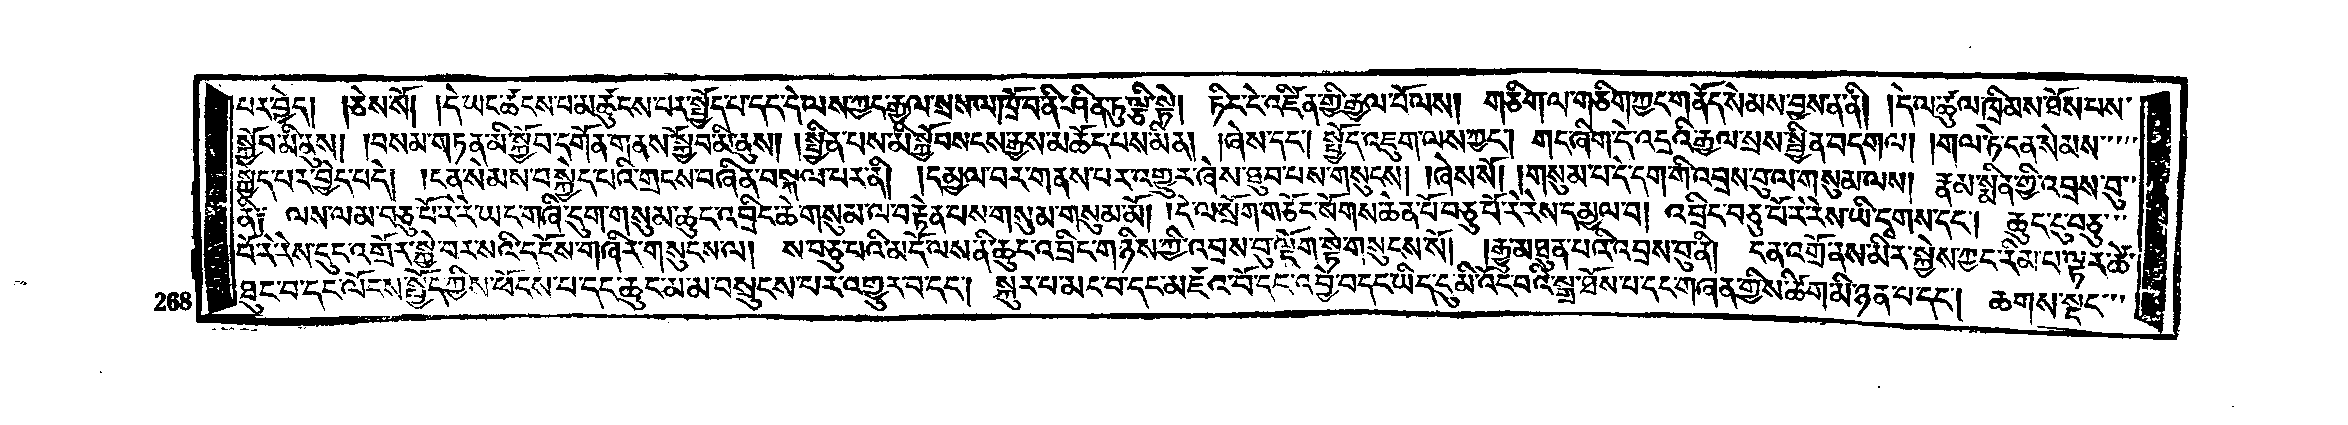པར་བྱེད། །ཅེས་སོ། །དེ་ཡང་ཚངས་པ་མཚུངས་པར་སྤྱོད་པ་དང་དེ་ལས་ཀྱང་རྒྱལ་སྲས་ལ་ཁྲོ་བ་ནི་ཤིན་ཏུ་ལྕི་སྟེ། ཏིང་ངེ་འཛིན་གྱི་རྒྱལ་པོ་ལས། གཅིག་ལ་གཅིག་ཀྱང་གནོད་སེམས་བྱས་ན་ནི། །དེ་ལ་ཚུལ་ཁྲིམས་ཐོས་པས་
སྐྱོབ་མི་ནུས། །བསམ་གཏན་མི་སྐྱོབ་དགོན་གནས་སྐྱོབ་མི་ནུས། །སྦྱིན་པས་མི་སྐྱོབ་སངས་རྒྱས་མཆོད་པས་མིན། །ཞེས་དང་། སྤྱོད་འཇུག་ལས་ཀྱང་། གང་ཞིག་དེ་འདྲའི་རྒྱལ་སྲས་སྦྱིན་བདག་ལ། །གལ་ཏེ་ངན་སེམས་
སྐྱེད་པར་བྱེད་པ་དེ། །ངན་སེམས་བསྐྱེད་པའི་གྲངས་བཞིན་བསྐལ་པར་ནི། །དམྱལ་བར་གནས་པར་འགྱུར་ཞེས་ཐུབ་པས་གསུངས། །ཞེས་སོ། །གསུམ་པ་དེ་དག་གི་འབྲས་བུ་ལ་གསུམ་ལས། རྣམ་སྨིན་གྱི་འབྲས་བུ་
ནི༑ ལས་ལམ་བཅུ་པོ་རེ་རེ་ཡང་གཞི་དུག་གསུམ་ཆུང་འབྲིང་ཆེ་གསུམ་ལ་བརྟེན་པས་གསུམ་གསུམ་མོ། །དེ་ལ་སྲོག་གཅོད་སོགས་ཆེན་པོ་བཅུ་པོ་རེ་རེས་དམྱལ་བ། འབྲིང་བཅུ་པོ་རེ་རེས་ཡི་དྭགས་དང་། ཆུང་ངུ་བཅུ་
པོ་རེ་རེས་དུད་འགྲོར་སྐྱེ་བར་སའི་དངོས་གཞིར་གསུངས་ལ། ས་བཅུ་པའི་མདོ་ལས་ནི་ཆུང་འབྲིང་གཉིས་ཀྱི་འབྲས་བུ་ལྡོག་སྟེ་གསུངས་སོ། །རྒྱུ་མཐུན་པའི་འབྲས་བུ་ནི། ངན་འགྲོ་ནས་མིར་སྐྱེས་ཀྱང་རིམ་པ་ལྟར་ཚེ་
ཐུང་བ་དང་ལོངས་སྤྱོད་ཀྱིས་ཕོངས་པ་དང་ཆུང་མ་མ་བསྲུངས་པར་འགྱུར་བ་དང་། སྐུར་པ་མང་བ་དང་མཛའ་བོ་དང་འབྱེ་བ་དང་ཡིད་དུ་མི་འོང་བའི་སྒྲ་ཐོས་པ་དང་གཞན་གྱིས་ཚིག་མི་ཉན་པ་དང་། ཆགས་སྡང་